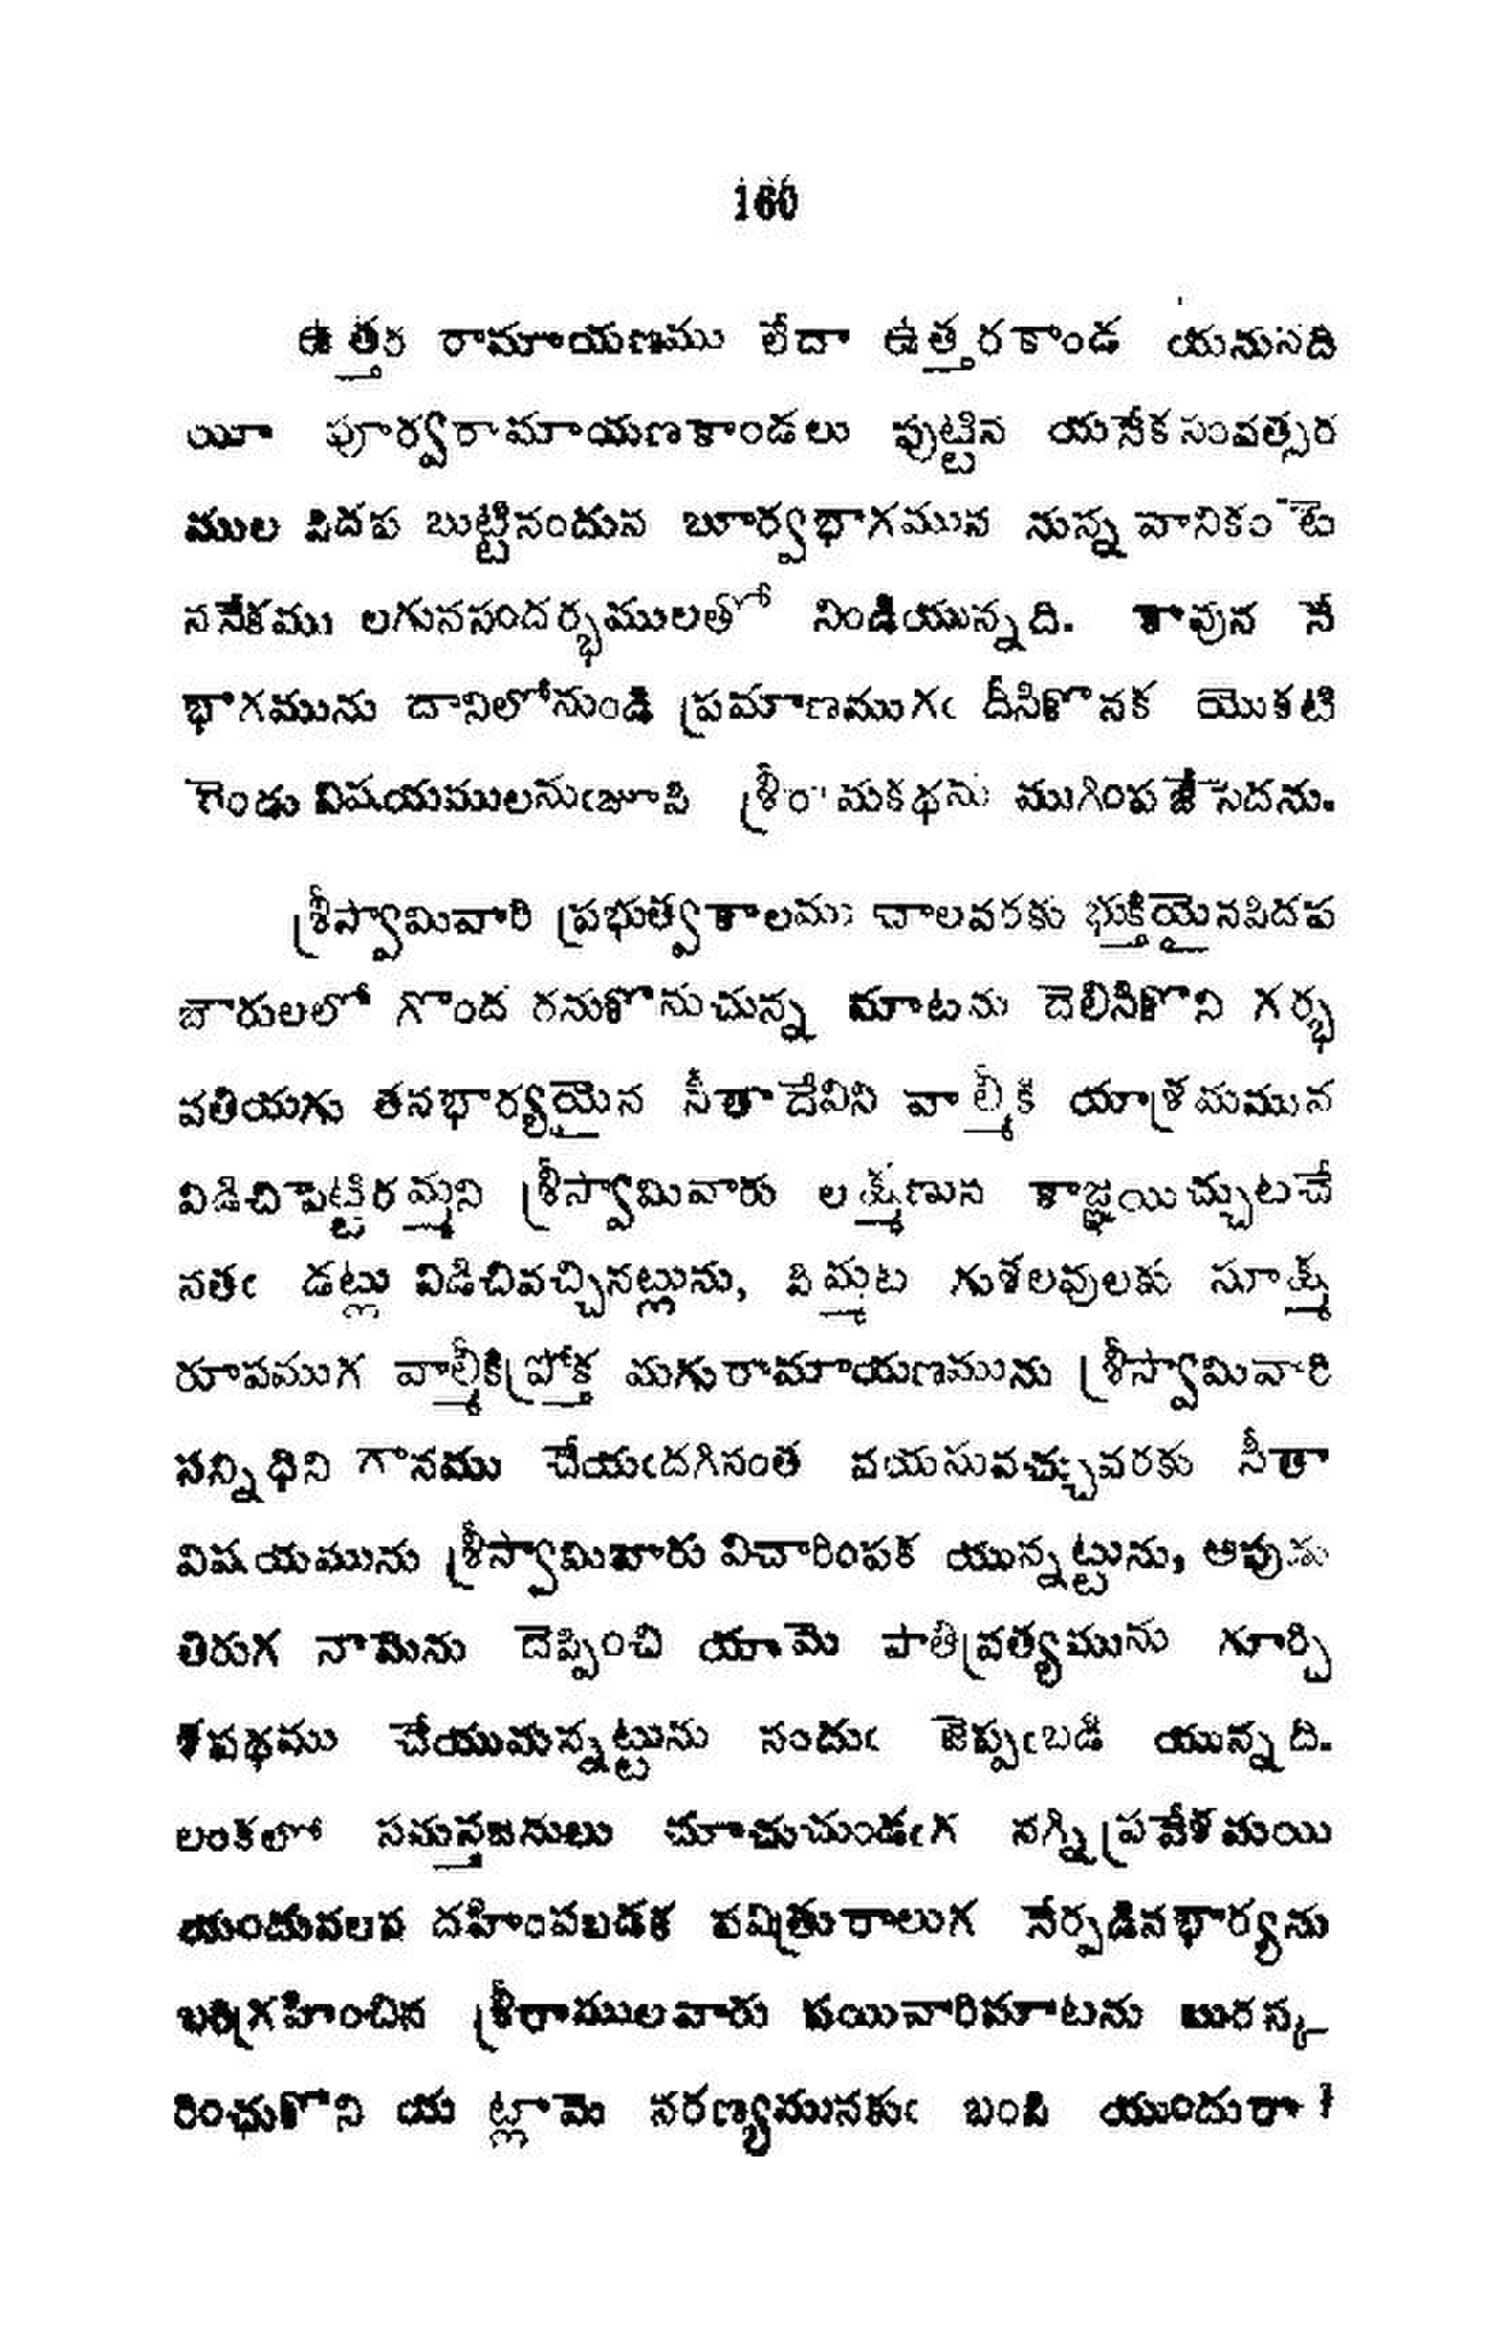ఉత్తర రామాయణము లేదా ఉత్తరకాండ యనునది యీ పూర్వరామాయణకాండలు పుట్టిన యనేకసంవత్సరముల పిదప బుట్టినందున బూర్వభాగమున నున్న దానికంటె ననేకము లగుసందర్భములతో నిండియున్నది. కావున నే భాగమును దానిలోనుండి ప్రమాణముగఁ దీసికొనక యొకటి రెండు విషయములనుఁజూపి శ్రీరామకథను ముగింపజేసెదను.

శ్రీస్వామివారి ప్రభుత్వకాలము చాలవరకు భుక్తియైనపిదప బౌరులలో గొంద రనుకొనుచున్న మాటను దెలిసికొని గర్భవతియగు తనభార్యయైన సీతాదేవిని వాల్మీకి యాశ్రమమున విడిచిపెట్టిరమ్మని శ్రీస్వామివారు లక్ష్మణున కాజ్ఞయిచ్చుటచే నతఁ డట్లు విడిచివచ్చినట్లును, పిమ్మట గుశలవులకు సూక్ష్మరూపముగ వాల్మీకిప్రోక్త మగురామాయణమును శ్రీస్వామివారి సన్నిధిని గానము చేయఁదగినంత వయసువచ్చువరకు సీతావిషయమును శ్రీస్వామివారు విచారింపక యున్నట్టును, అపుడు తిరుగ నామెను దెప్పించి యామె పాతివ్రత్యమును గూర్చి శపథము చేయుమన్నట్టును నందుఁ జెప్పఁబడి యున్న ది. లంకలో సమస్తజనులు చూచుచుండఁగ నగ్నిప్రవేశమయి యందువలన దహింపబడక పవిత్రురాలుగ నేర్పడినభార్యను బరిగ్రహించిన శ్రీరాములవారు పయివారిమాటను బురస్కరించుకొని య ట్లామె నరణ్యమునకుఁ బంపి యుందురా?